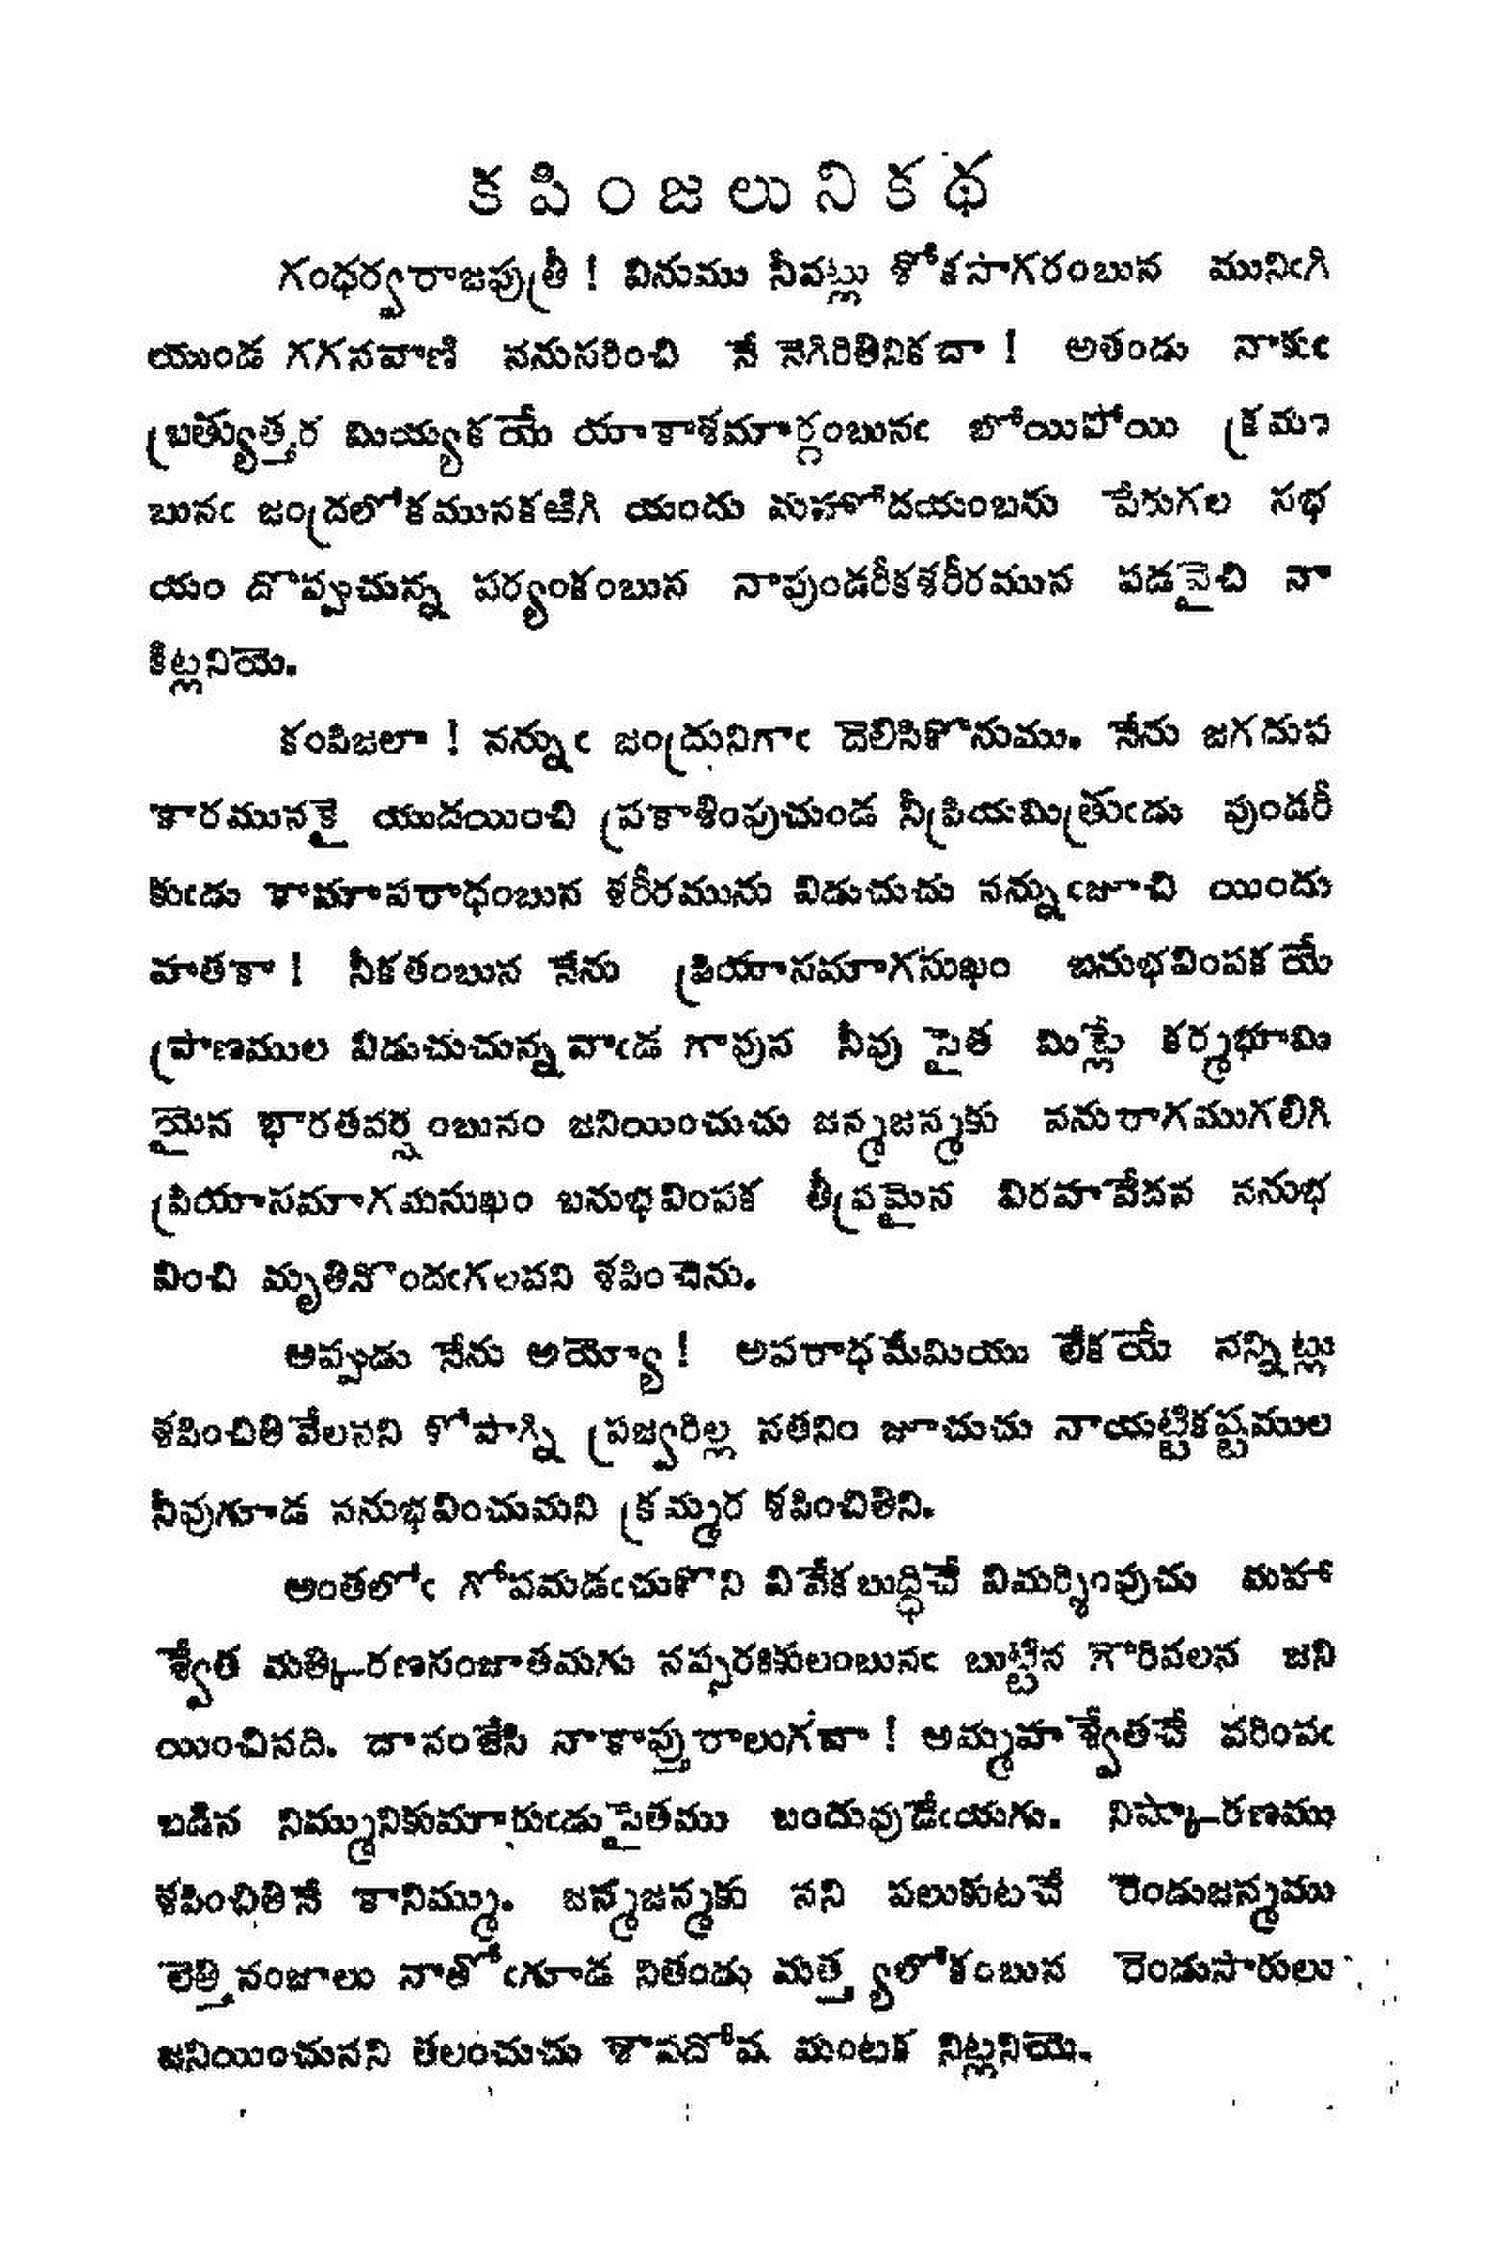కపింజలుని కథ

గంధర్వరాజపుత్రీ! వినుము నీవట్లు శోకసాగరంబున మునిఁగి యుండ గగనవాణి ననుసరించి నే నెగిరితినికదా! అతండు నాకుఁ బ్రత్యుత్తర మియ్యకయే యాకాశమార్గంబునఁ బోయిపోయి క్రమంబునఁ జంద్రలోకమునకఱిగి యందు మహోదయంబను పేరుగల సభయం దొప్పుచున్న పర్యంకంబున నాపుండరీకశరీరమున పడవైచి నా కిట్లనియె.

కపింజలా! నన్నుఁ జంద్రునిగాఁ దెలిసికొనుము. నేను జగదుప కారమునకై యుదయించి ప్రకాశింపుచుండ నీప్రియమిత్రుఁడు పుండరీకుఁడు కామాపరాధంబున శరీరమును విడుచుచు నన్నుఁజూచి యిందు హతకా! నీకతంబున నేను ప్రియాసమాగసుఖం బనుభవింపకయే ప్రాణముల విడుచుచున్నవాఁడ గావున నీవు సైత మిట్లే కర్మభూమియైన భారతవర్షంబునం జనియించుచు జన్మజన్మకు ననురాగముగలిగి ప్రియాసమాగసుఖం బనుభవింపక తీవ్రమైన విరహవేదన ననుభవించి మృతినొందఁగలవని శపించెను.

అప్పుడు నేను అయ్యో! అపరాధమేమియు లేకయే నన్నిట్లు శపించితివేలనని కోపాగ్ని ప్రజ్వరిల్ల నతనిం జూచుచు నాయట్టికష్టముల నీవుగూడ ననుభవించుమని క్రమ్మర శపించితిని.

అంతలోఁ గోపమడఁచుకొని వివేకబుద్ధిచే విమర్శింపుచు మహాశ్వేత మత్కిరణసంజాతమగు నప్సరఃకులంబునఁ బుట్టిన గౌరివలన జనియించినది. దానంజేసి నాకాప్తురాలుగదా! అమ్మహాశ్వేతచే వరింపఁబడిన నిమ్మునికుమారుఁడుసైతము బందువుడేఁయగు. నిష్కారణము శపించితినే కానిమ్ము. జన్మజన్మకు నని పలుకుటచే రెండుజన్మము లెత్తినంజాలు నాతోఁగూడ నితండు మత్త్యలోకంబున రెండుసారులు జనియించునని తలంచుచు శాపదోష మంటక నిట్లనియె.